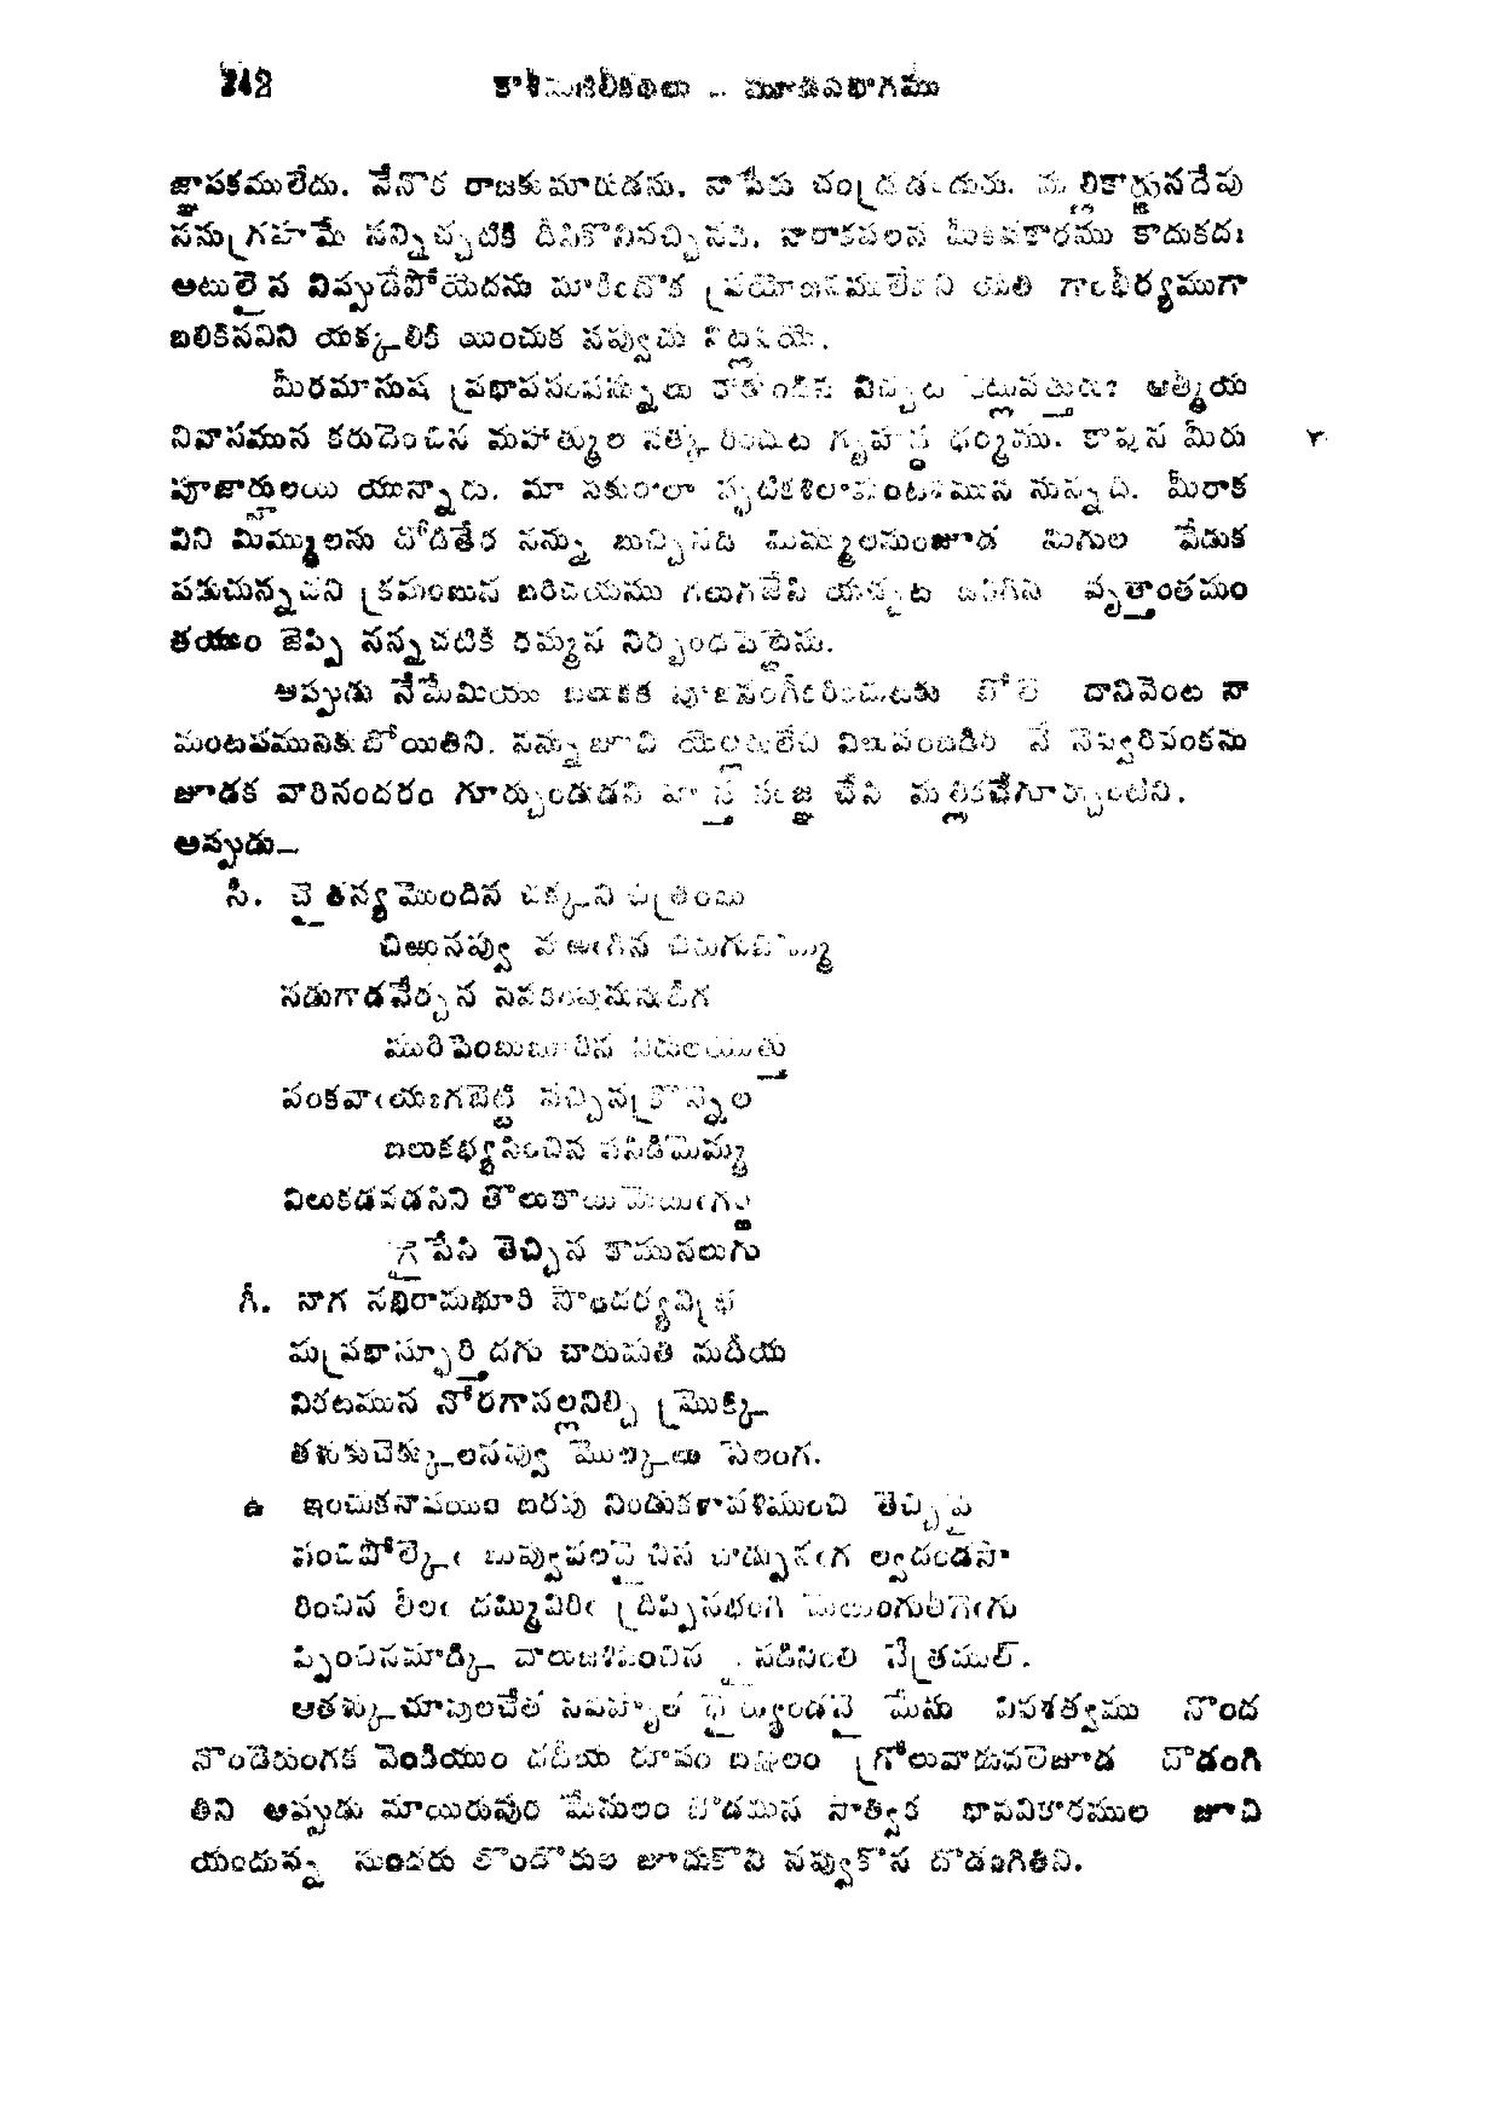జ్ఞాపకములేదు. నేనొక రాజకుమారుడను. నాపేరు చంద్రుడందురు. మల్లికార్జునదేవు ననుగ్రహమే నన్నిచ్చటికి దీసికొనివచ్చినది. నారాకవలన మీకపకారము కాదుకద! అటులైన నిప్పుడేపోయెదను మాకిందొక ప్రయోజనములేదని యతి గాంభీర్యముగా బలికినవిని యక్కలికి యించుక నవ్వుచు నిట్లనియె.

మీ రమానుష ప్రభావసంపన్నులు కూకుండిన నిచ్చట కెట్లువత్తురు? ఆత్మీయ నివాసమున కరుదెంచిన మహాత్ముల సత్కరించుట గృహస్థధర్మము. కావున మీరు పూజార్హులయి యున్నారు. మా సకురాలా స్పటికశిలామంటపమున నున్నది. మీరాక విని మిమ్ములను దోడితేర నన్ను బుచ్చినది మిమ్ములనుంజూడ మిగుల వేడుక పడుచున్నదని క్రమంబున బరిచయము గలుగజేసి యచ్చట జరిగిన వృత్తాంతమంతయుం జెప్పి నన్నచటికి రమ్మన నిర్బంధపెట్టెను.

అప్పుడు నే మేమియు బలుకక పూజనంగీకరించుటకు బోలె దానివెంట నా మంటపమునకు బోయితిని. నన్నుజూచి యెల్లరులేచి నిలువంబడిరి నే నెవ్వరివంకను జూడక వారినందరం గూర్చుండుడని హస్త సంజ్ఞ చేసి మల్లికచేగూర్చుంటిని.

అప్పుడు-

సీ. చైతన్యమొందిన చక్కని చిత్రంబు
 చిఱునవ్వు మఱఁగిన చిరుగుబొమ్మ
 నడుగాడనేర్చిన నవకంపునునుదీగ
 మురిపెంబుబూరిన నిరులయొత్తు
 పంకవాఁయఁగబెట్టి వచ్చిన క్రొన్నెల
 బలుకభ్యసించిన పసిడిమెమ్మ
 నిలుకడవడసిని తొలుకాఱుమెఱుఁగెల్ల
 గైసేసి తెచ్చిన కామునలుగు
గీ. నాగ నభిరామభూరి సౌందర్యవిభ్ర
 మప్రభాస్ఫూర్తిదగు చారుమతి మదీయ
 నికటమున నోరగానల్లనిల్చి మ్రొక్కి
 తళుకుచెక్కులనవ్వు మొల్కలు సెలంగ.

ఉ. ఇంచుకనాపయిం బరపు నిండుకళావళిముంచి తెచ్చి పై
 వంచిపోల్కెఁ బువ్వువలవైచిన చాడ్పునఁగ ల్వదండసా
 రించిన లీలఁ దమ్మివిరిఁ ద్రిప్పినభంగి మెఱుంగుతీగెఁ గు
 ప్పించినమాడ్కి వాలుజళిపించిన నడినిరలి నేత్రముల్.
ఆతళ్కు చూపులచేత నపహృత ధైర్యుండనై మేను వివశత్వము నొంద నొండెరుంగక వెండియుం దదీయ రూపం బక్షులం గ్రోలువాడువలెజూడ దొడంగితిని అప్పుడు మాయిరువుర మేనులం బొడమిన సాత్విక భావవికారముల జూచి యందున్న సుందరు లొండొరుల జూచుకొని నవ్వుకొన దొడంగితివి.